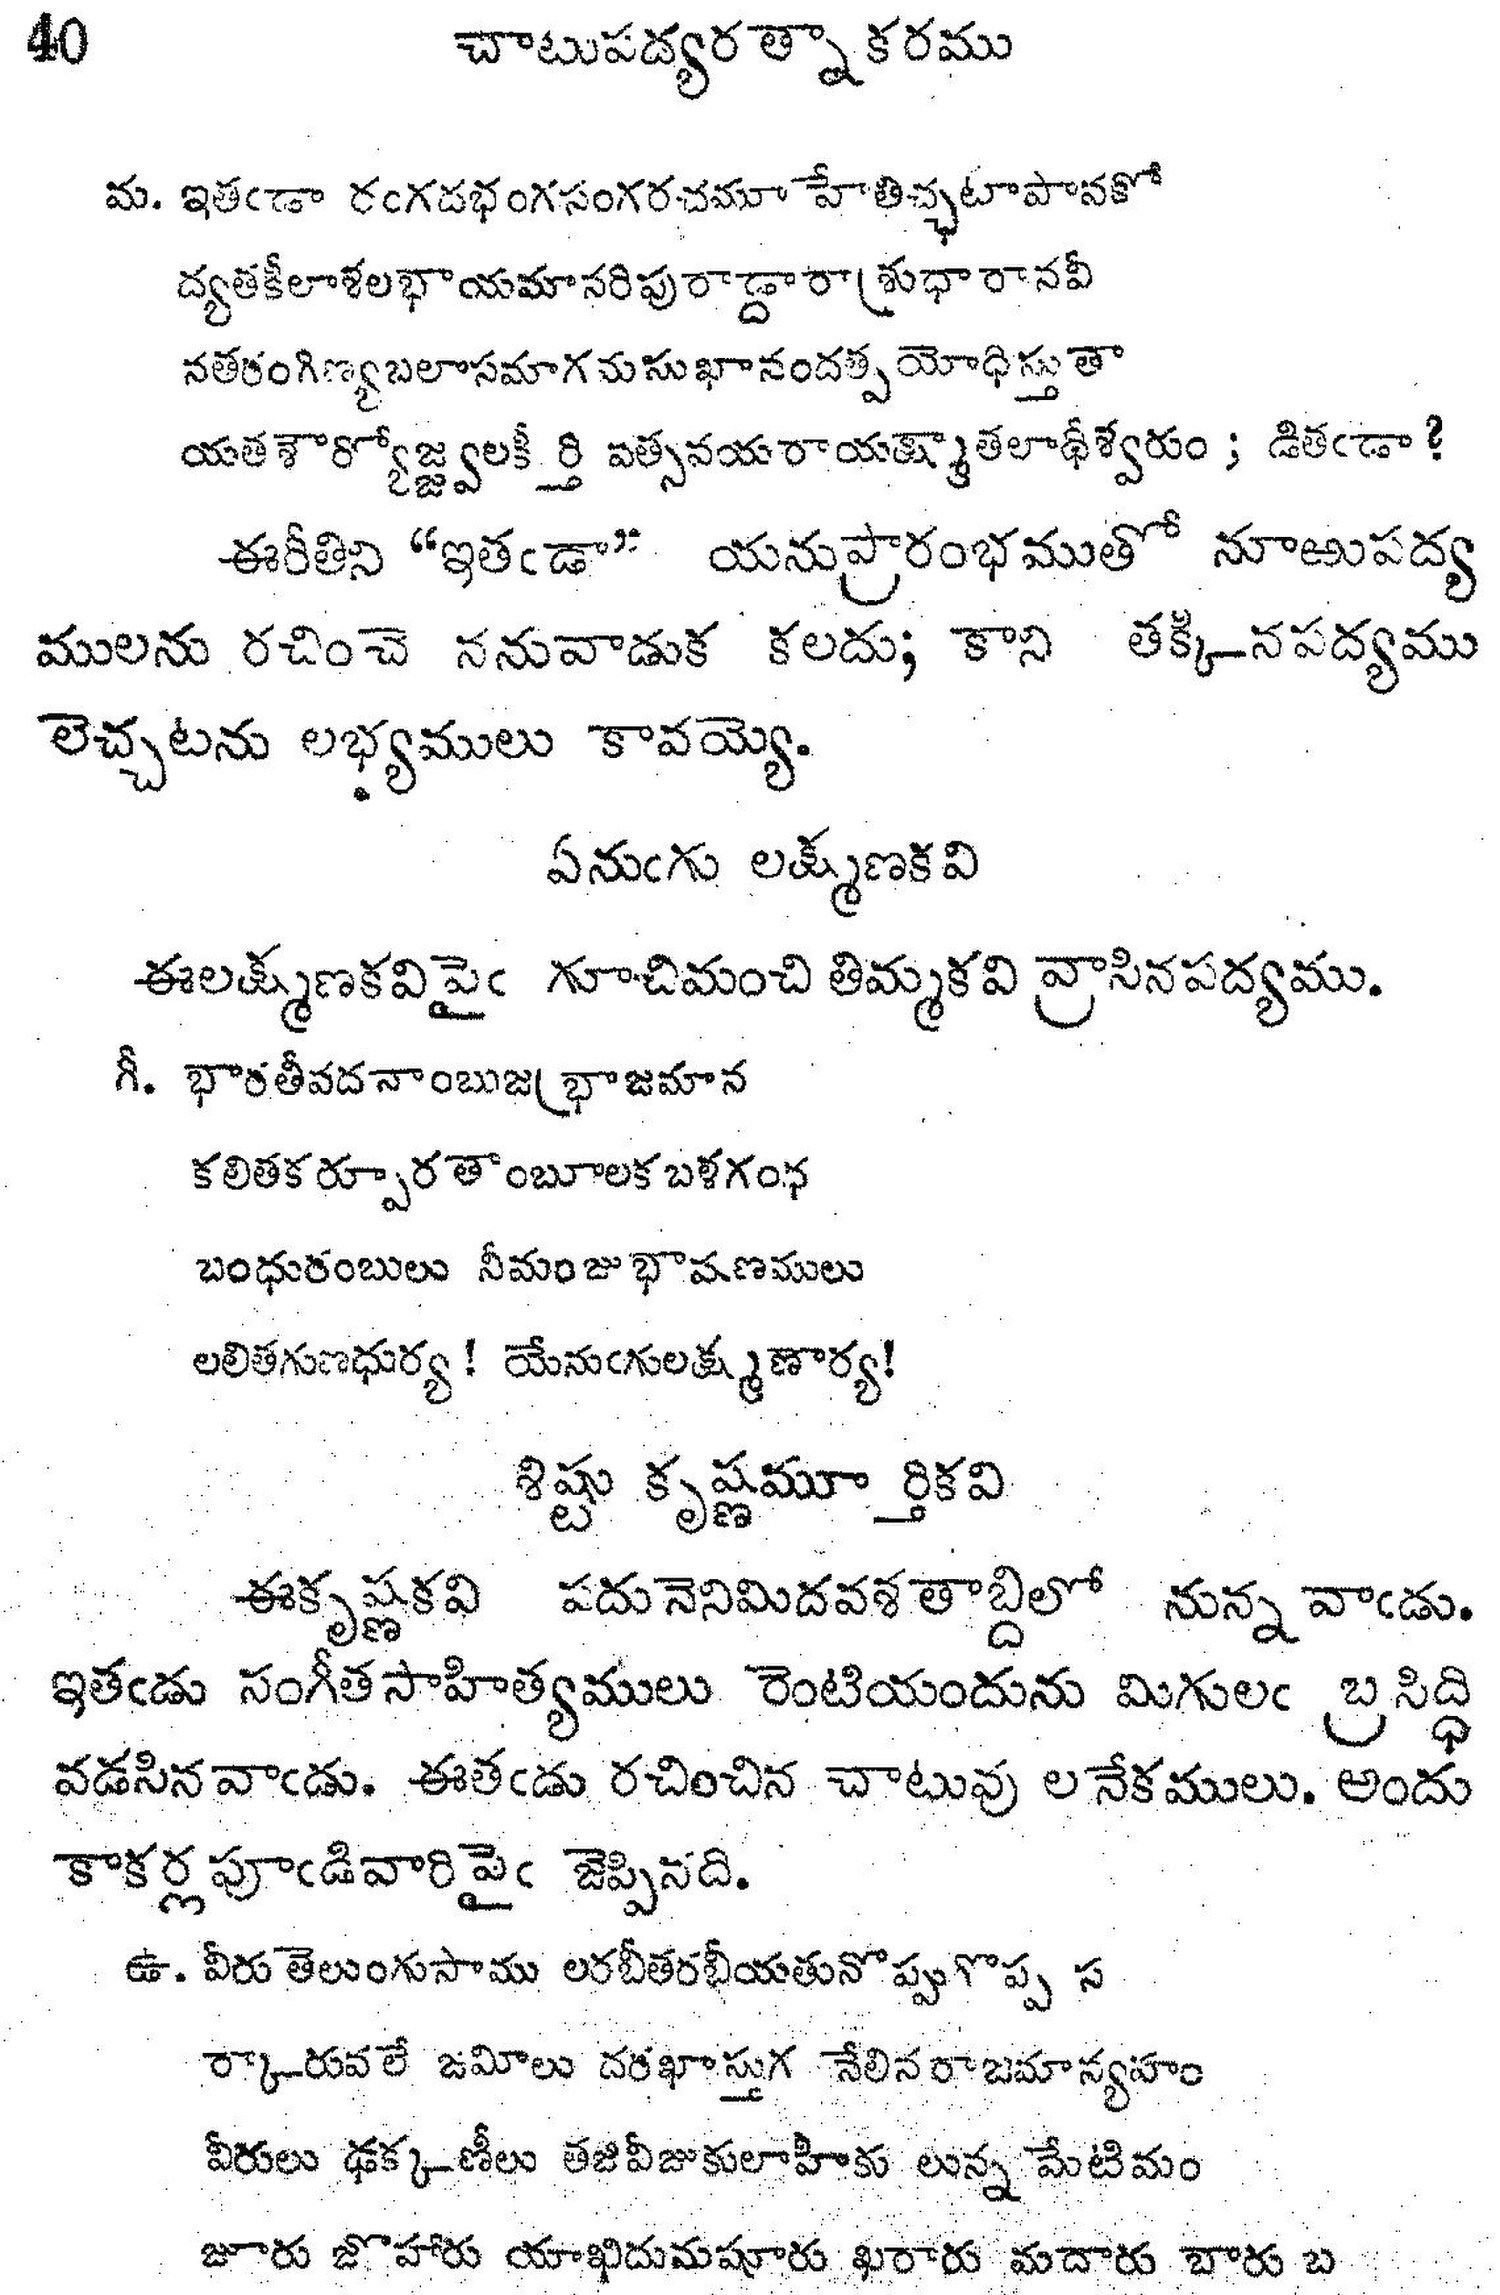మ. ఇతఁడా రంగదభంగసంగరచమూహేతిచ్ఛటాపానకో
 ద్యతకీలాశలభాయమానరిపురాడ్దారాశ్రుధారానవీ
 నతరంగిణ్యబలాసమాగమసుఖానందత్పయోధిస్తుతా
 యతశౌర్యోజ్జ్వలకీర్తి వత్సవయరాయక్ష్మాతాలథీశ్వరుం; డితఁడా?

ఈరీతిని “ఇతఁడా” యనుప్రారంభముతో నూఱుపద్యములను రచించె ననువాడుక కలదు; కాని తక్కినపద్యము లెచ్చటను లభ్యములు కావయ్యె.

ఈలక్ష్మణకవిపైఁ గూచిమంచి తిమ్మకవి వ్రాసిన పద్యము

గీ. భారతీవదనాంబుజభ్రాజమాన
 కలితకర్పూరతాంబూలకబళగంధ
 బంధురంబులు నీమంజుభాషణములు
 లలితగుణధుర్య! యేనుఁగులక్ష్మణార్య!

ఈకృష్ణకవి పదునెనిమిదవశతాబ్దిలో నున్నవాఁడు. ఇతఁడు సంగీతసాహిత్యములు రెంటియందును మిగులఁ బ్రసిద్ధి వడసినవాఁడు. కాకర్లపూఁడివారిపైఁ జెప్పిన చాటువు—

ఉ. వీరు తెలుంగుసాము లరబీతరబీయతనొప్పుగొప్ప స
 ర్కారువలే జమీలు దరఖాస్తుగ నేలిన రాజమాన్యహం
 వీరులు ఢక్కణీలు తజివీజుకులాహికు లున్నమేటిమం
 జూరు జొహారు యాఖిదుమషూరు ఖరారు మదారు బారు బ